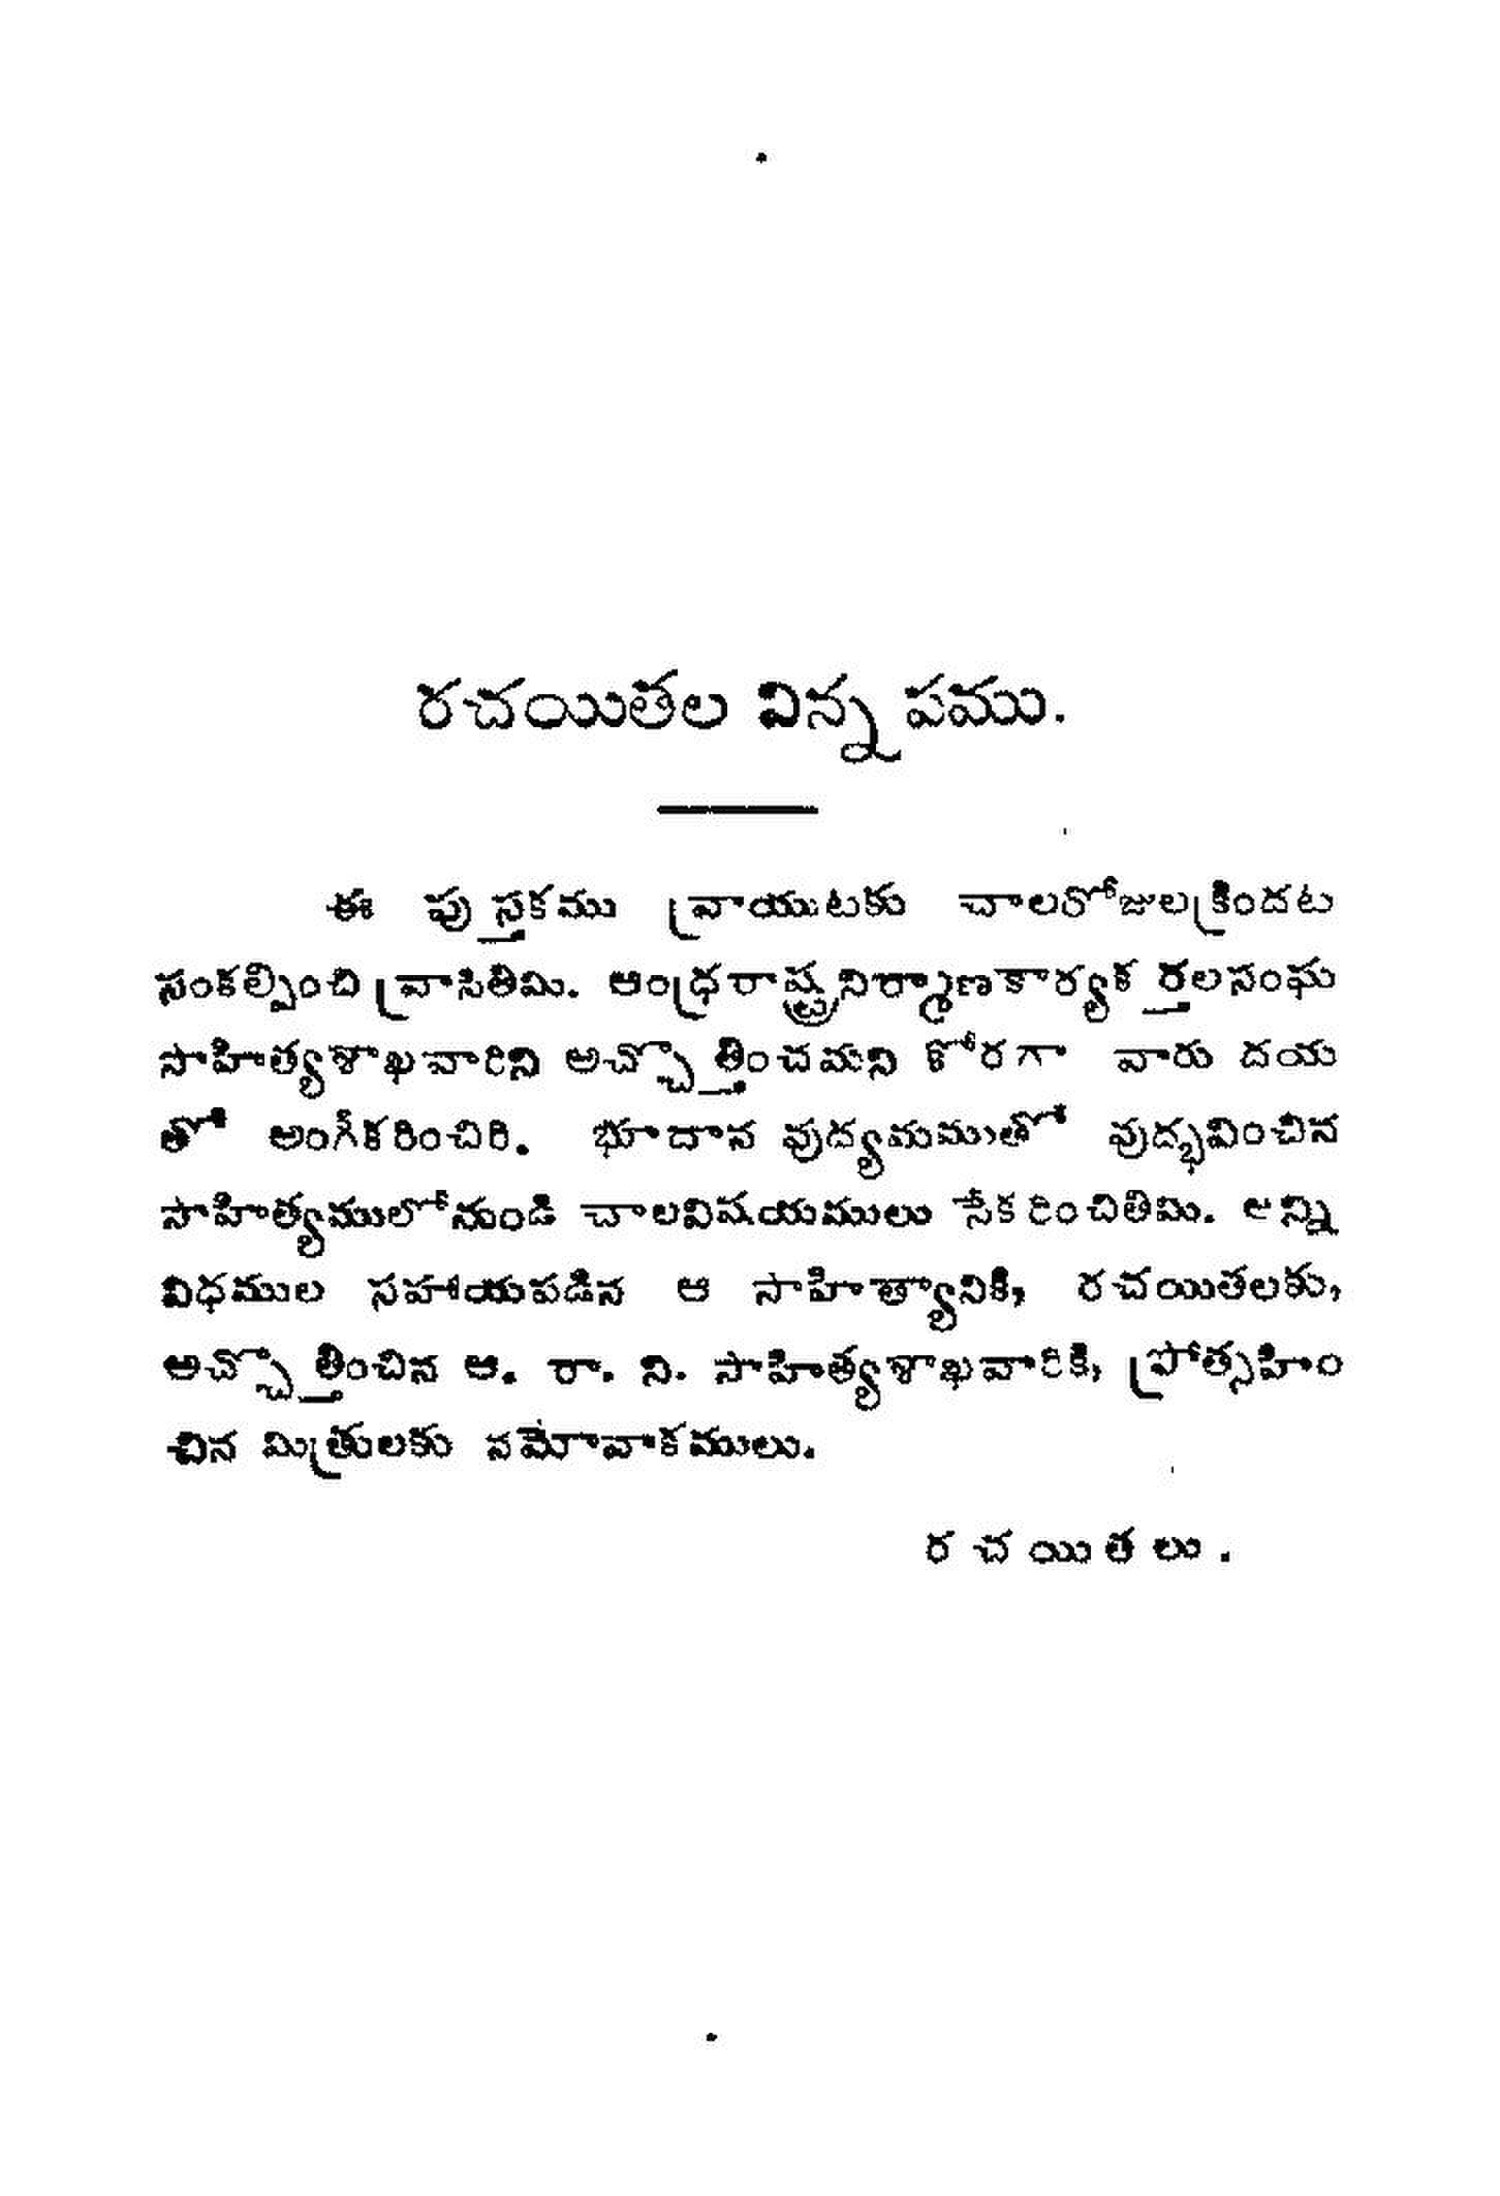రచయితల విన్నపము.

ఈ పుస్తకము వ్రాయుటకు చాలరోజులక్రిందట సంకల్పించి వ్రాసితిమి. ఆంధ్రరాష్ట్ర నిర్మాణకార్యకర్తలసంఘ సాహిత్యశాఖవారిని అచ్చొత్తించమని కోరగా వారు దయతో అంగీకరించిరి. భూదాన వుద్యమముతో వుద్భవించిన సాహిత్యములోనుండి చాలవిషయములు సేకరించితిమి. అన్నివిధముల సహాయపడిన ఆ సాహిత్యానికి, రచయితలకు, అచ్చొత్తించిన ఆ. రా. ని. సాహిత్యశాఖవారికి, ప్రోత్సహించిన మిత్రులకు నమోవాకములు.